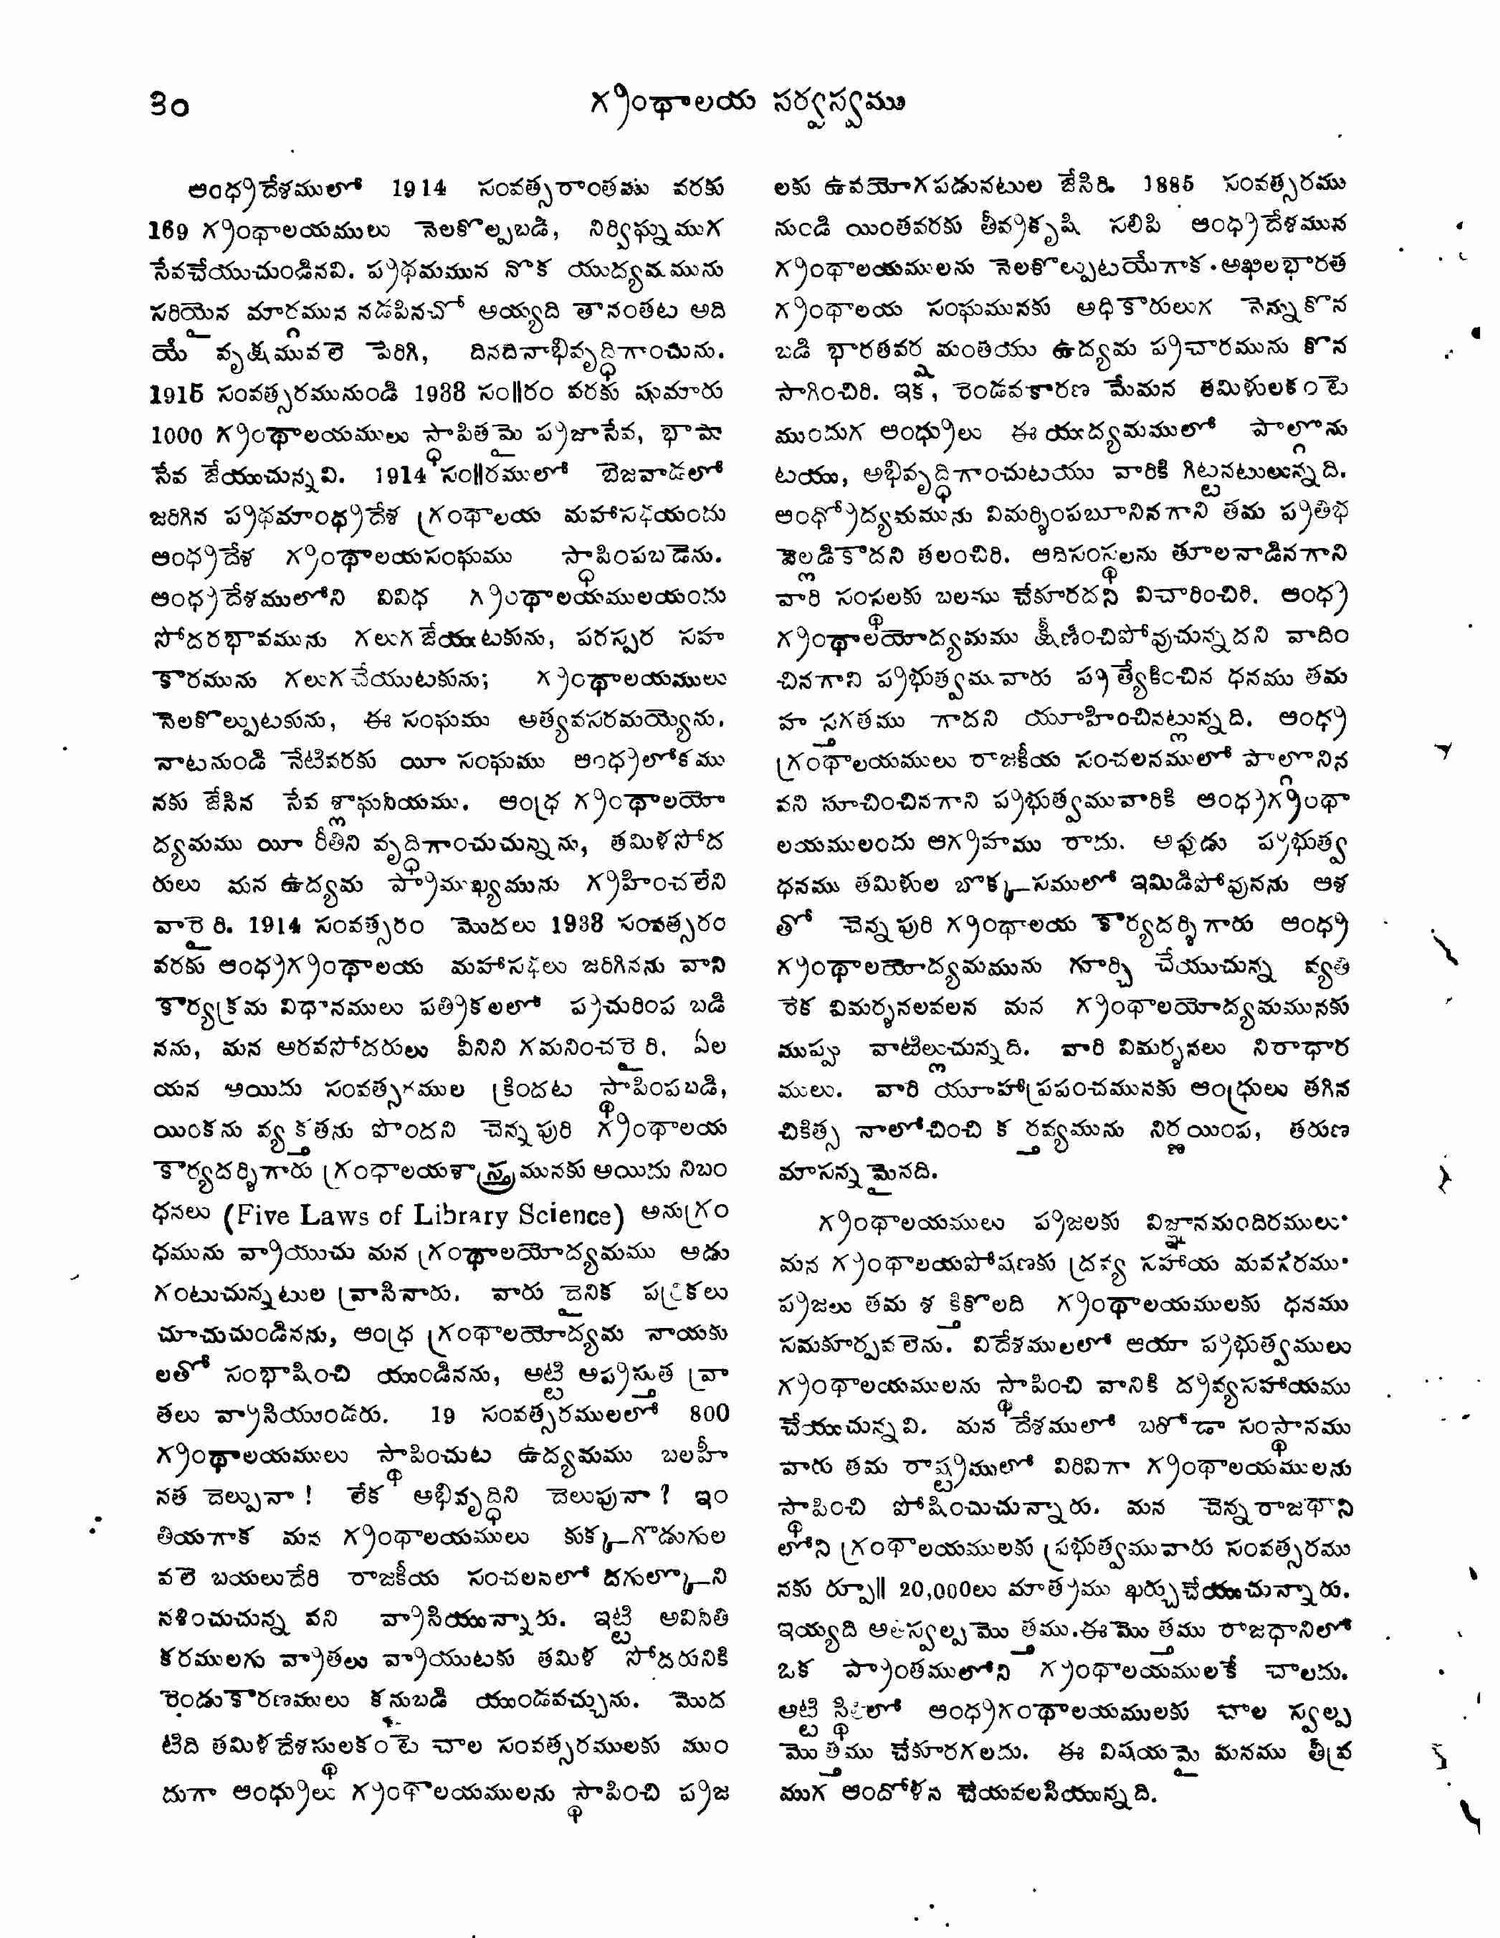ఆంధ్రదేశములో 1914 సంవత్సరాంతము వరకు 169 గ్రంథాలయములు నెలకొల్పబడి, నిర్విఘ్నముగ సేవచేయుచుండినవి. ప్రథమమున నొక యుద్యమమును సరియైన మార్గమున నడపినచో అయ్యది తానంతట అదియే వృక్షమువలె పెరిగి, దినదినాభివృద్ధి గాంచును. 1915 సంవత్సరమునుండి 1988 సం॥రం వరకు షుమారు 1000 గ్రంథాలయములు స్థాపితమై ప్రజాసేవ, భాషాసేవ జేయుచున్నవి. 1914 సం॥రములో బెజవాడలో జరిగిన ప్రథమాంధ్ర దేశ గ్రంథాలయ మహాసభయందు ఆంధ్రదేశ గ్రంథాలయ 
సంఘము సాపింపబడెను. ఆంధ్ర దేశములోని వివిధ గ్రంథాలయములయందు సోదరభావమును గలుగ జేయఁటకును, పరస్పర 
సహకారమును గలుగ చేయుటకును; గ్రంథాలయములు నెలకొల్పుటకును, ఈ సంఘము అత్యవసరమయ్యెను. నాటనుండి నేటివరకు యీ సంఘము ఆంధ్రలోకమునకు జేసిన సేవ శ్లాఘనీయము. ఆంధ్ర గ్రంథాలయోమము యీ రీతిని వృద్ధిగాంచుచున్నాను, తమిళ 
సోదరులు మన ఉద్యమ ప్రాముఖ్యమును గ్రహించ లేనివారైరి. 1914 సంవత్సరం మొదలు 1938 సంవత్సరం వరకు ఆంధ్ర 
గ్రంథాలయ మహాసభలు జరిగినను వాని కార్యక్రమ విధానములు పత్రికలలో ప్రచురింపబడినను, మన ఆరవసోదరులు వీనిని గమనించరైరి. ఏలయన అయిదు సంవత్సరముల క్రిందట స్థాపింపబడి, యింకను వ్యక్తతను పొందని చెన్నపురి గ్రంథాలయ
కార్యదర్శిగారు గ్రంధాలయశాస్త్రమునకు అయిదు నిబంధనలు (Five Laws of Library Science) అనుగ్రంధమును వ్రాయుచు మన గ్రంథాలయోద్యమము అడుగంటుచున్నటుల వ్రాసినారు. వారు దైనిక పత్రికలు చూచుచుండినను, ఆంధ్ర గ్రంథాలయోద్యమ 
నాయకులతో సంభాషించి యుండినను, అట్టి అప్రస్తుత వ్రాతలు వ్రాసియుండరు. 19 సంవత్సరములలో 800 గ్రంథాలయములు స్థాపించుట ఉద్యమము బలహీనత దెల్పునా! లేక అభివృద్ధిని దెలుపునా? ఇంతియగాక మన గ్రంథాలయములు కుక్క గొడుగుల
వలె బయలుదేరి రాజకీయ సంచలనలో దిగుల్కొని నశించుచున్న పని వ్రాసియున్నారు. ఇట్టి అవినీతికరములగు వ్రాతలు వ్రాయుటకు తమిళ సోదరునికి రెండు కారణములు కనుబడి యుండవచ్చును. మొదటిది తమిళ దేశసులకంటే చాల సంవత్సరములకు ముందుగా ఆంధ్రులు గ్రంథాలయములను స్థాపించి ప్రజలకు ఉపయోగపడునటుల జేసిడి 1885 సంవత్సరము నుండి యింతవరకు తీవ్రకృషి సలిపి ఆంధ్ర దేశమున గ్రంథాలయములను నెలకొల్పుటయేగాక. అఖిల భారత గ్రంథాలయ సంఘమునకు అధికారులుగ నెన్ను
కొనబడి భారతవర్ష మంతియు ఉద్యమ ప్రచారమును కొనసాగించిరి. ఇక, రెండవకారణ మేమన తమిళులకంటే ముందుగ ఆంధ్రులు 
ఈ యుద్యమములో పాల్గొనుటయు, అభివృద్ధి గాంచుటయు వారికి గిట్టనటులున్నది. ఆంధ్రోద్యమమును విమర్శింపబూనిన గాని తమ ప్రతిభ వెల్లడికాదని తలంచిరి. ఆదిసంస్థలను తూలనాడిన గాని వారి సంస్థలకు బలము చేకూరదని విచారించిరి. ఆంధ్ర 
గ్రంథాలయోద్యమము క్షీణించిపోవుచున్నదని వాదించిన గాని ప్రభుత్వము వారు ప్రత్యేకించిన ధనము తమ హస్తగతము గాదని యూహించినట్లున్నది. ఆంధ్ర గ్రంథాలయములు రాజకీయ సంచలనములో పాల్గొనినవని సూచించినగాని ప్రభుత్వమువారికి ఆంధ్ర గ్రంథాలయములందు ఆగ్రహము రాదు. అపుడు ప్రభుత్వ ధనము తమిళులు బొక్కసములో ఇమిడిపోవునను ఆశతో చెన్నపురి గ్రంథాలయ కార్యదర్శిగారు ఆంధ్ర గ్రంథాలయోద్యమమును గూర్చి చేయుచున్న వ్యతిరేక విమర్శనలవలన మన థాలయోద్యమమునకు
ముప్పు వాటిల్లుచున్నది. వారి విమర్శనలు నిరాధారములు. వారి యూహా ప్రపంచమునకు ఆంధ్రులు తగిన చికిత్స నాలోచించి కర్తవ్యమును నిర్ణయింప, తరుణమాసన్నమైనది.

గ్రంథాలయములు ప్రజలకు విజ్ఞాన మందిరములు. మన గ్రంథాలయపోషణకు ద్రవ్య సహాయ మవసరము. ప్రజలు తమ శక్తికొలది గ్రంథాలయములకు ధనము సమకూర్చవలెను. విదేశములలో ఆయా ప్రభుత్వములు గ్రంథాలయములను స్థాపించి వానికి ద్రవ్యసహాయము చేయుచున్నవి. మన దేశములో బరోడా సంస్థానము వారు తమ రాష్ట్రములో విరివిగా గ్రంథాలయములను స్టాపించి పోషించుచున్నారు. మన చెన్న రాజధాని లోని గ్రంథాలయములకు ప్రభుత్వమువారు సంవత్సరమునకు ర్పూ॥ 20,000లు మాత్రము ఖర్చుచేయుచున్నారు. ఇయ్యది అతిస్వల్పమొత్తము. ఈ మొత్తము రాజధానిలో ఒక ప్రాంతములోని గ్రంథాలయములకే చాలదు. అట్టి స్థితిలో ఆంధ్ర గ్రంథాలయములకు చాలా స్వల్ప మొత్తము చేకూరగలదు. ఈ విషయమై మనము తీవ్రముగ ఆందోళన చేయవలసియున్నది.